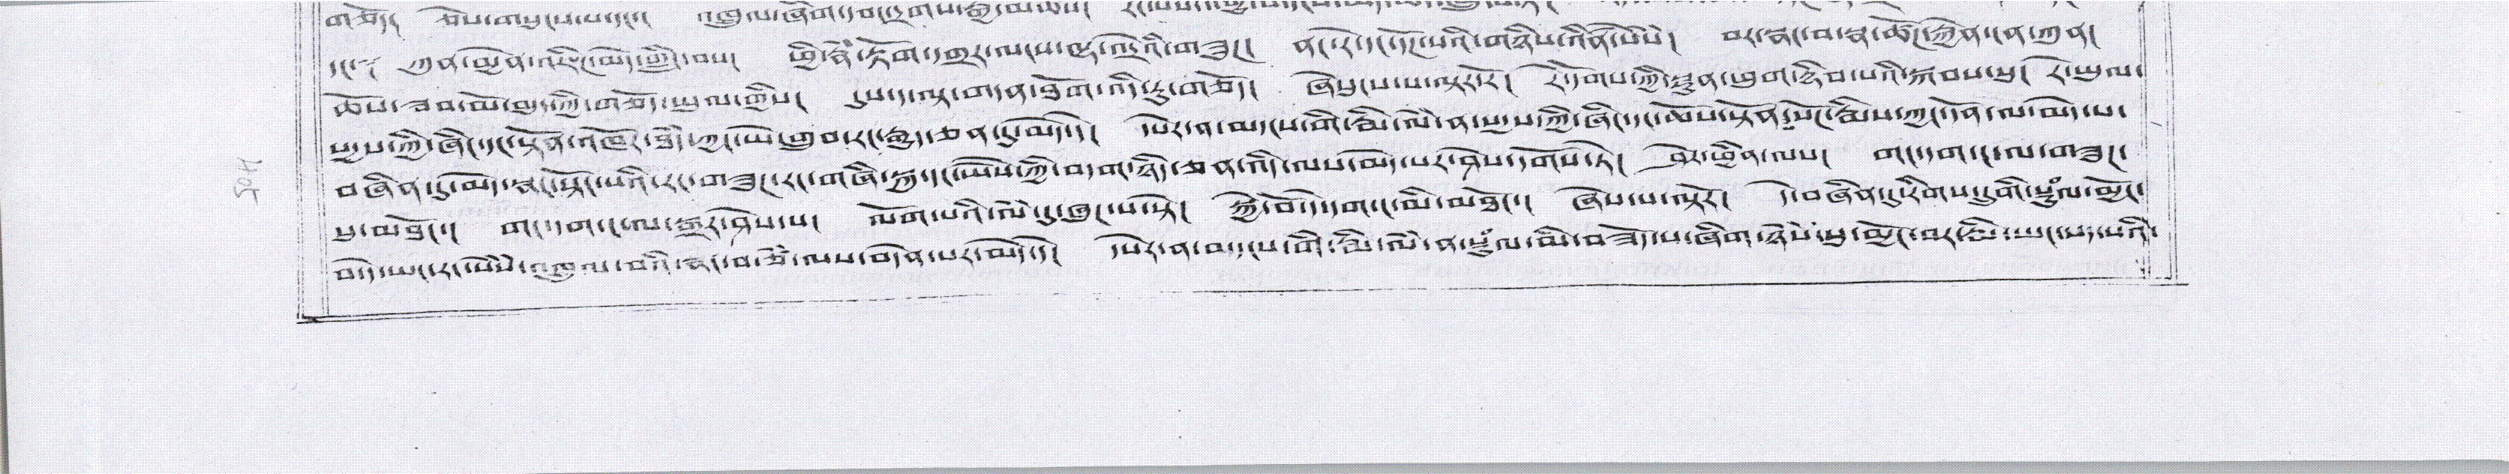གཅོད། ཅེས་གསུངས་པ་དང་། འཁྲུལ་ཞིག་དབང་དྲག་རྒྱ་མཚོས། རང་སེམས་འགྱུ་བ་དངོས་མེད་མ་འཁྲུལ་ཏེ། ༼འདིར་མ་དཔེ་ལ་གསལ་པོ་མེད༽
དང་། ཀུན་མཁྱེན་འཇིགས་མེད་གླིང་པས། ཕྱི་རྣམ་རྟོག་དགྲར་ལངས་ལྷ་འདྲེའི་གཟུགས། ནང་རེ་དང་དྭོགས་པའི་གཉིས་འཛིན་སེམས། བར་སྣང་བ་སྣ་ཚོགས་རྐྱེན་ངན་ཀུན། 
ཆོས་ཟབ་མོ་བདུད་ཀྱི་གཅོད་ཡུལ་གྱིས། དུས་ད་ལྟ་གདན་ཐོག་འདི་རུ་གཅོད། ཞེས་གསུངས་པ་ལྟར་རོ། རེ་དྭོགས་ཀྱི་རྫུན་ཕུག་རྡིབ་པའི་སྐབས་སུ། རེ་ཡུལ་
སངས་རྒྱས་ཀྱི་ཞིང་དང་སྟོན་འཁོར་ཐམས་ཅད་ཀྱང་ཡེ་གྲུབ་རང་རྒྱུད་ཅན་དུ་མེད་དེ། དཔེར་ན་མདང་གི་རྨི་ལམ་ན་སངས་རྒྱས་ཀྱི་ཞིང་དང་ཆོས་སྟོན་པ་སོགས་རྨིས་ཀྱང་དོན་ལ་མེད་པ་
བཞིན་དུ་མེད་སྣང་སྟོང་པའི་རང་གཟུགས་རང་གཞི་སྐུ་དང་ཡེ་ཤེས་ཀྱི་བདག་ཉིད་ཅན་འདི་ལས་མེད་པར་ཤེས་དགོས་ཏེ། ཤེར་ཕྱིན་ལས། གང་དག་ང་ལ་གཟུགས་
སུ་མཐོང་། གང་དག་ང་ལ་སྒྲར་ཤེས་པ། ལོག་པའི་ལམ་དུ་ཞུགས་པ་སྟེ། སྐྱེ་བོ་དེ་དག་ང་མི་མཐོང་། དེ་བཞིན་དུ་རིགས་དྲུག་གི་སྡུག་བསྔལ་མྱོང་
བ་དེ་ཡང་རང་སེམས་འཁྲུལ་པའི་སྣང་བ་དེ་ཙམ་ལས་བདེན་པར་མེད་དེ། དཔེར་ན་མདང་གི་རྨི་ལམ་ན་སྡུག་བསྔལ་མི་བཟོད་པ་ཞིག་ཉམས་སུ་མྱོང་བར་རྨི་ཡང་སད་པའི་